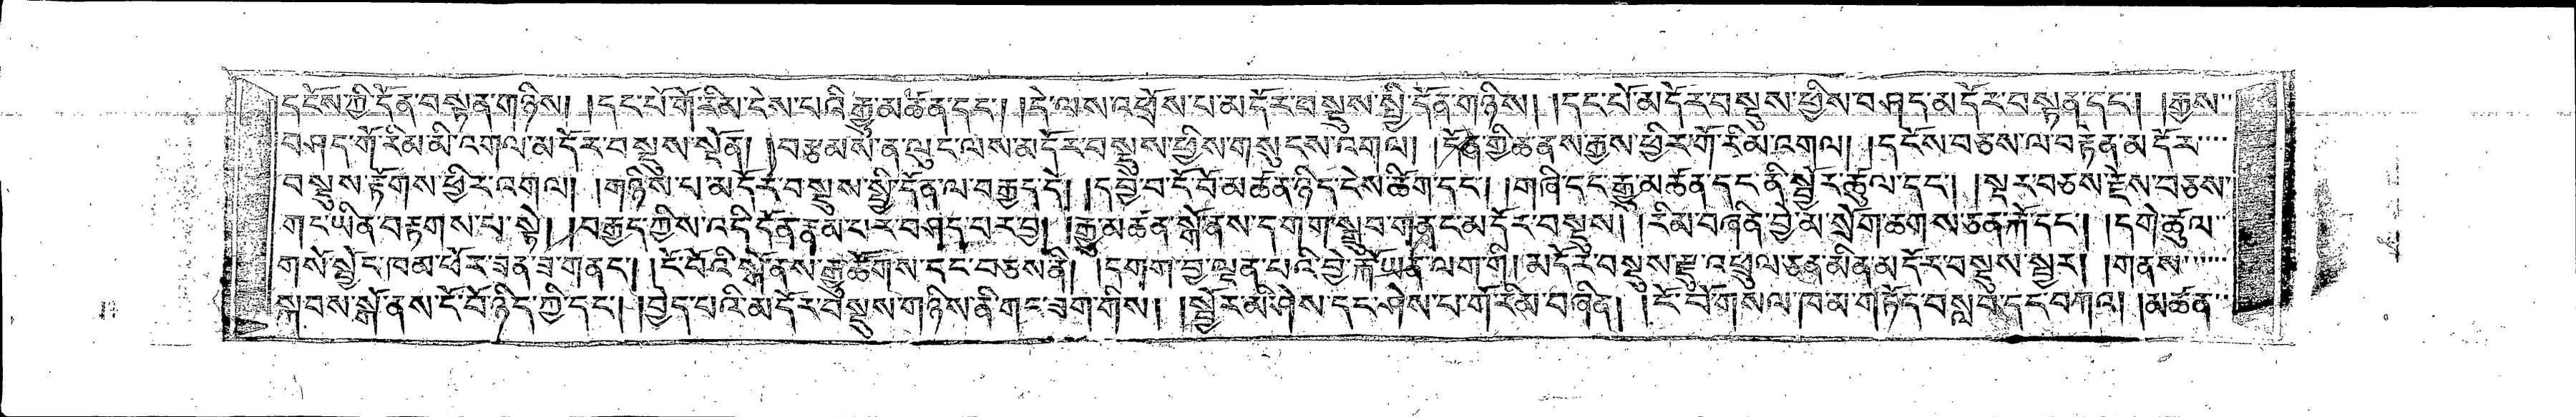དངོས་ཀྱི་དོན་བསྟན་གཉིས། །དང་པོ་གོ་རིམ་ངེས་པའི་རྒྱུ་མཚན་དང་། །དེ་ལས་འཕྲོས་པ་མདོར་བསྡུས་སྤྱི་དོན་གཉིས། །དང་པོ་མདོར་བསྡུས་ཕྱིས་བཤད་མདོར་བསྟན་དང་། །རྒྱས་
བཤད་གོ་རིམ་མི་འགལ་མདོར་བསྡུས་སྔོན། །བརྩམས་ན་ལུང་ལས་མདོར་བསྡུས་ཕྱིས་གསུངས་འགལ། །དོན་གྱི་ཆ་ནས་རྒྱས་ཕྱིར་གོ་རིམ་འགལ། །དངོས་བཅས་ལ་བརྟེན་མདོར་
བསྡུས་རྟོགས་ཕྱིར་འགལ། །གཉིས་པ་མདོར་བསྡུས་སྤྱི་དོན་ལ་བརྒྱད་དེ། །དབྱེ་བ་ངོ་བོ་མཚན་ཉིད་ངེས་ཚིག་དང་། །གཞི་དང་རྒྱུ་མཚན་དང་ནི་སྦྱོར་ཚུལ་དང་། །སྔར་བཅས་རྗེས་བཅས་
གང་ཡིན་བརྟགས་པ་སྟེ། །བརྒྱད་ཀྱིས་འདི་དོན་རྣམ་པར་བཤད་པར་བྱ། །རྒྱུ་མཚན་སྒོ་ནས་དགག་སྒྲུབ་གནང་མདོར་བསྡུས། །རིམ་བཞིན་བྱེ་མ་སྲོག་ཆགས་ཅན་རྐོ་དང་། །དགེ་ཚུལ་
གསོ་སྦྱོང་ཁམ་པོར་ཟས་ཟ་གནང་། །ངོ་བོའི་སྒོ་ནས་རྒྱུ་ཚོགས་དང་བཅས་ནི། །དགག་བྱ་ལྡན་པའི་བྱེ་རྐོ་ཡན་ལག་གི། མདོར་བསྡུས་རྫུ་འཕྲུལ་ཅན་མིན་མདོར་བསྡུས་སྦྱར། །གནས་
སྐབས་སྒོ་ནས་ངོ་བོ་ཉིད་ཀྱི་དང་། །བྱེད་པའི་མདོར་བསྡུས་གཉིས་ནི་གང་ཟག་གིས། །སྦྱོར་མི་ཤེས་དང་ཤེས་པ་གོ་རིམ་བཞིན། །ངོ་བོ་གསལ་ཁ་མ་གཏོད་བསླབ་དང་བཀའ། །མཚན་